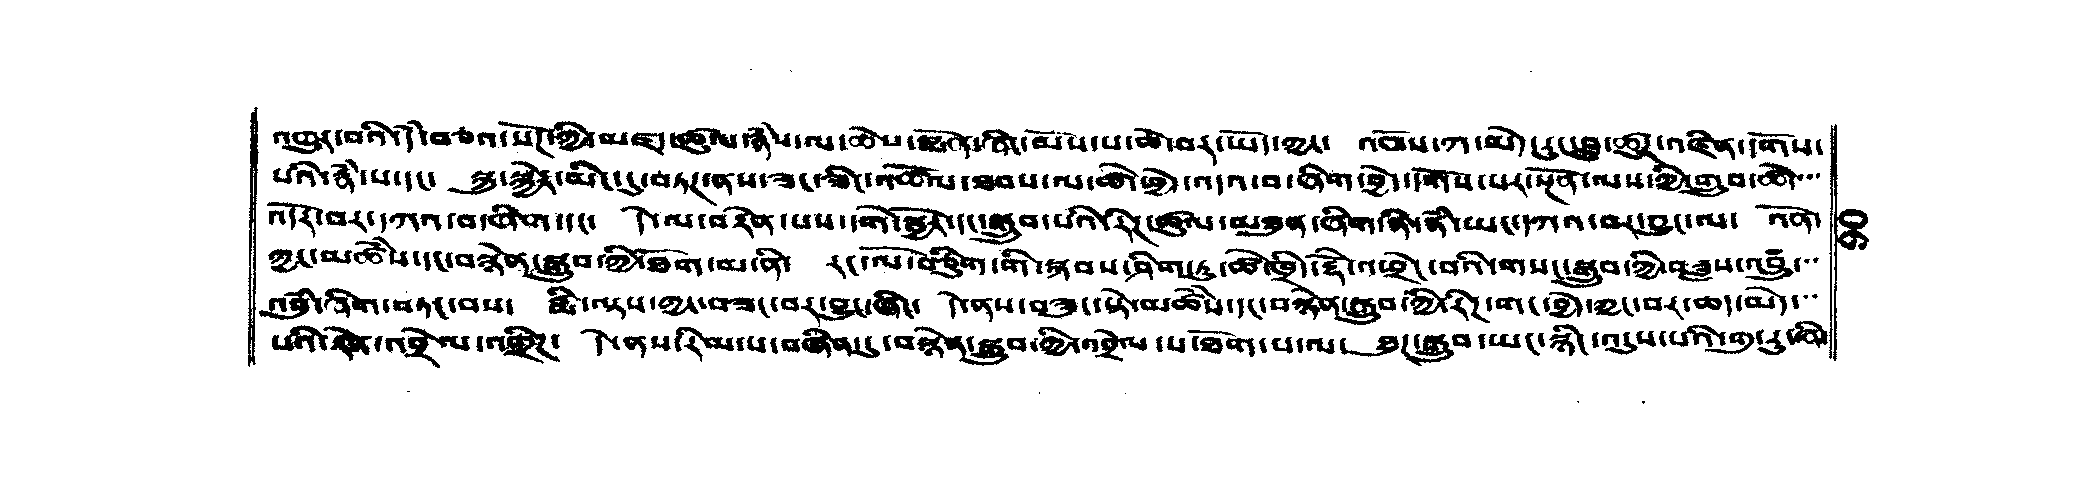འཁུར་བའི་དམ་བཅའ་སོགས་ཀྱི་མཛད་ཚུལ་རྣམས་ལ་ཆེས་སྨོན་ཞིང་མོས་པ་ཆེ་བར་ཡོད་ཀྱང་། འཁོས་ཀ་མེད་རུང་བླ་ཚུགས་འཛིན་དགོས་
པའི་རྣམ་པ་དང་། སྐུ་སྐྱེར་མིང་དུ་བཏགས་ནས་ཟང་ཟིང་འཚོལ་ཐབས་ལ་ཚེ་ཕྱེད་འདའ་བ་ཞིག་བྱེད་དགོས་པར་སྔོན་ལས་ཀྱི་གྲུབ་ཚེ་
འདོར་བར་དཀའ་བ་ཞིག་དང་། དེ་ལ་བརྟེན་པས་དགེ་སྦྱོར་དང་སྒྲུབ་པའི་རིགས་ཚུལ་མཐུན་ཞིག་ནི་ནམ་ཡང་དཀའ་བར་བྱུང་ལ། འོན་
ཀྱང་མཚམས་དང་བསྙེན་སྒྲུབ་ཀྱི་ཐོག་མ་ནི། རང་ལོ་བཅུ་གཅིག་གི་སྐབས་ཤིག་ཏུ་ཚེ་ཁྲིད་རྡོ་རྗེ་ཕྲེང་བའི་གསང་སྒྲུབ་ཀྱི་བཟླས་པ་འབྲུ་
འབུམ་ཞིག་བཏང་བས། རྨི་ལྟས་ཀྱང་བཟང་བར་བྱུང་ཞིང་། དེ་ནས་བཟུང་སྟེ་མཚམས་དང་བསྙེན་སྒྲུབ་ཀྱི་རིགས་གང་བྱེད་ཀྱང་བར་ཆད་མེད་
པའི་རྟེན་འབྲེལ་འགྲིགས། དེ་ནས་རིམ་པ་བཞིན་དུ་བསྙེན་སྒྲུབ་ཀྱི་འབྲེལ་པ་ཐོས་པ་ལ། ཐུགས་སྒྲུབ་ཡང་སྙིང་འདུས་པའི་གུ་རུ་ཞི་